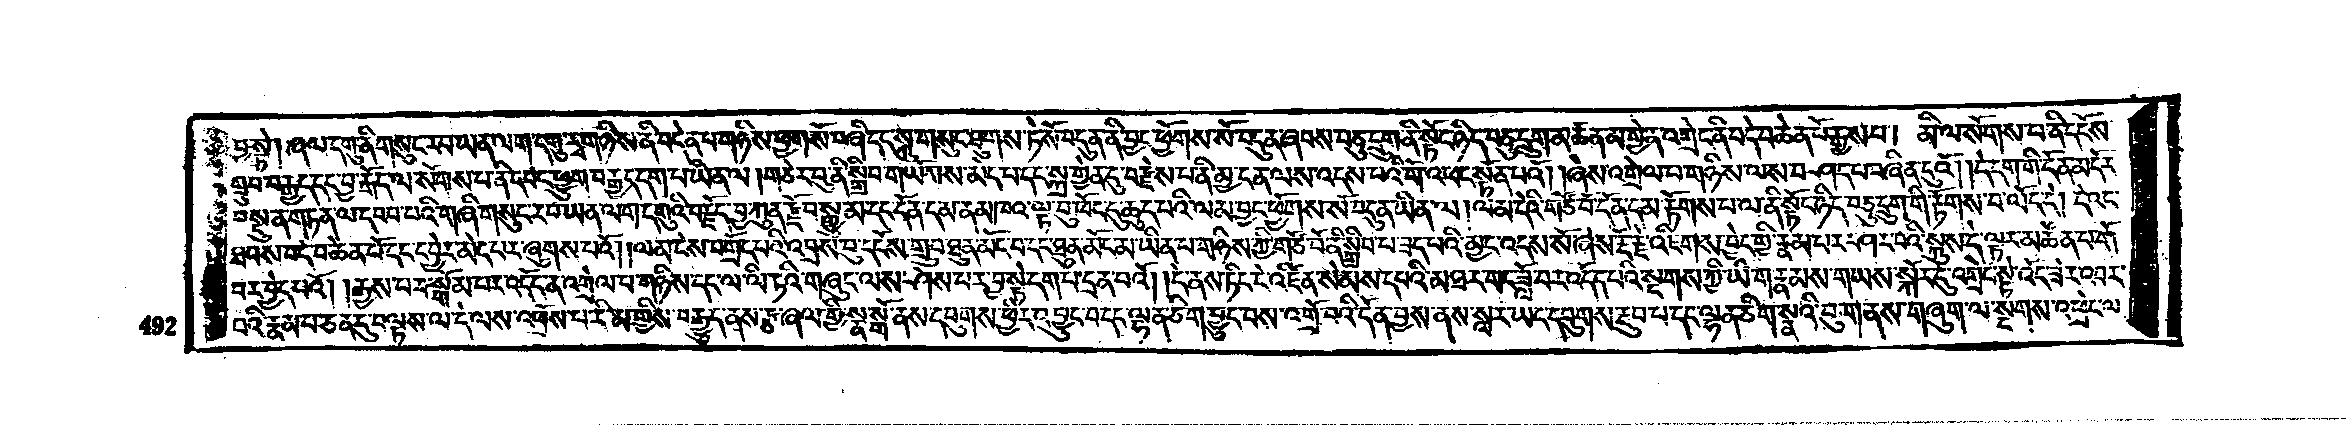བྱ་སྟེ། ཞལ་དགུ་ནི་གསུང་རབ་ཡན་ལག་དགུ་རྭ་གཉིས་ནི་བདེན་པ་གཉིས་ཕྱག་སོ་བཞི་དང་སྐུ་གསུང་ཐུགས་ཏེ་སོ་བདུན་ནི་བྱང་ཕྱོགས་སོ་བདུན་ཞབས་བཅུ་དྲུག་ནི་སྟོང་ཉིད་བཅུ་དྲུག་མཚན་མ་གྱེན་འགྲེང་ནི་བདེ་བ་ཆེན་པོ་རྒྱས་པ། མི་ལ་སོགས་པ་ནི་དངོས་
གྲུབ་བརྒྱད་དང་བྱ་རྒོད་ལ་སོགས་པ་ནི་དབང་ཕྱུག་བརྒྱད་དག་པ་ཡིན་ལ། གཅེར་བུ་ནི་སྒྲིབ་གཡོགས་མེད་པ་དང་སྐྲ་གྱེན་དུ་བརྫེས་པ་ནི་མྱ་ངན་ལས་འདས་པའི་གོ་འཕང་སྟེན་པའོ། །ཞེས་འགྲེལ་པ་གཉིས་ལས་བཤད་པ་བཞིན་དུའོ། །དེ་དག་གི་དོན་མདོར་
བསྡུ་ན་གཏན་ལ་དབབ་པའི་གཞི་གསུང་རབ་ཡན་ལག་དགུའི་བརྗོད་བྱ་ཀུན་རྫོབ་སྒྱུ་མ་དང་དོན་དམ་ནམ་མཁའ་ལྟ་བུ་ཁོང་དུ་ཆུད་པའི་ལམ་བྱང་ཕྱོགས་སོ་བདུན་ཡིན་ལ། ལམ་དེའི་གཙོ་བོ་དོན་དམ་རྟོགས་པ་ལ་ནི་སྟོང་ཉིད་བཅུ་དྲུག་གི་རྟོགས་པ་ལོང་དེ། དེའང་
ཐབས་བདེ་བ་ཆེན་པོ་དང་དབྱེར་མེད་པར་ཞུགས་པའོ། །ལམ་ངེས་བགྲོད་པའི་འབྲས་བུ་དངོས་གྲུབ་ཐུན་མོང་བ་དང་ཐུན་མོང་མ་ཡིན་པ་གཉིས་ཀྱི་གཙོ་བོ་ནི་སྒྲིབ་པ་ཟད་པའི་མྱང་འདས་སོ་ཞེས་རྡོ་རྗེ་འཇིགས་བྱེད་གྱི་རྣམ་པར་ཤར་བའི་སྐུས་དེ་ལྟར་མཚོན་པ་གོ་
བར་བྱེད་པའོ། །རྒྱས་པར་སྒོམ་པར་འདོད་ན་འགྲེལ་པ་གཉིས་དང་ལ་ལི་ཏའི་གཞུང་ལས་ཤེས་པར་བྱ་སྟེ་དག་པ་དྲན་པའོ། །དེ་ནས་ཏིང་ངེ་འཛིན་སེམས་དཔའི་མཐར་གང་ཟློ་བར་འདོད་པའི་སྔགས་ཀྱི་ཡི་གེ་རྣམས་གཡས་སྐོར་དུ་འགྲེང་སྟེ་འོད་ཟེར་འབར་
བའི་རྣམ་པ་ཅན་དུ་བལྟས་ལ་དེ་ལས་འཕྲོས་པ་རིམ་གྱིས་བརྒྱུད་ནས་རྩ་ཞལ་གྱི་སྣ་སྒོ་ནས་དབུགས་ཕྱིར་འབྱུང་བ་དང་ལྷན་ཅིག་བྱུང་བས་འགྲོ་བའི་དོན་བྱས་ནས་སླར་ཡང་དབུགས་རྡུབ་པ་དང་ལྷན་ཅིག་སྣའི་བུ་ག་ནས་གཞུག་ལ་སྔགས་འཕྲེང་ལ་